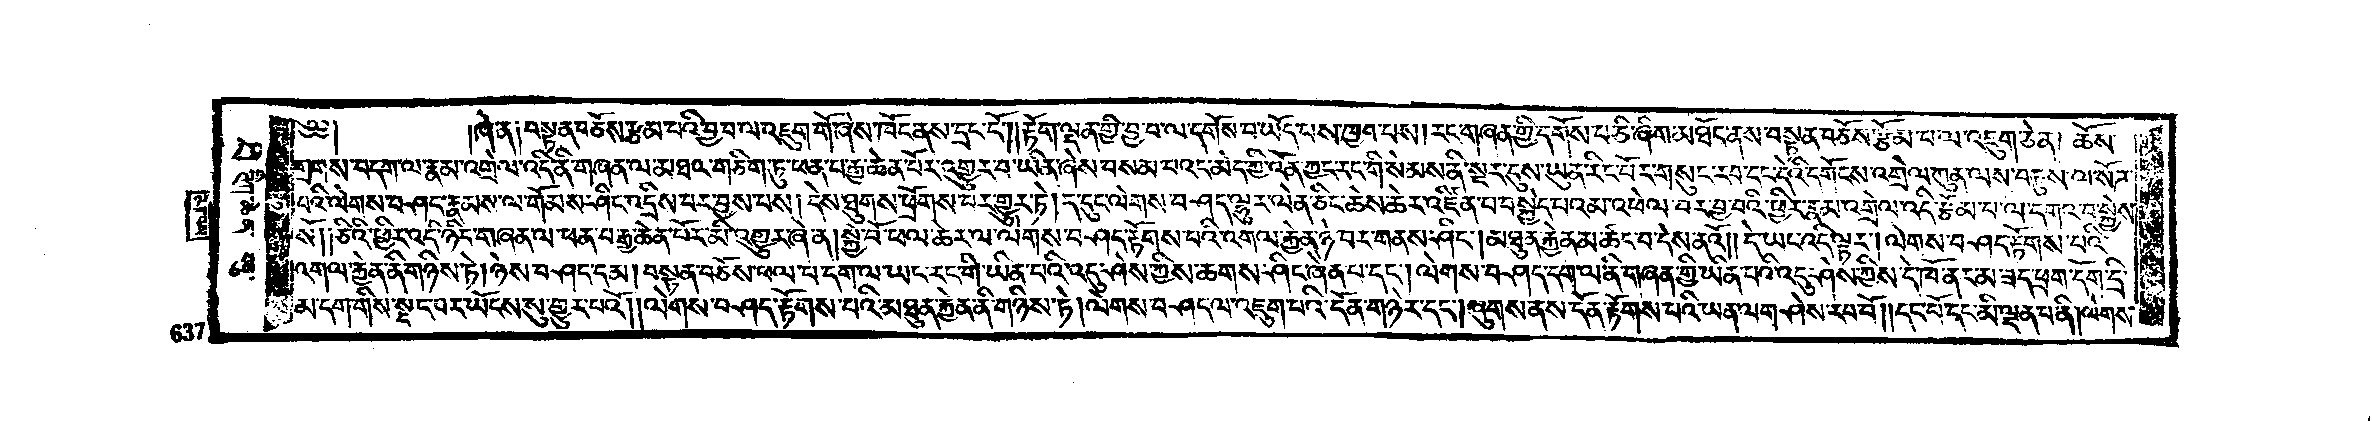༄༅། །ཞེ་ན། བསྟན་བཅོས་རྩམ་པའི་བྱ་བ་ལ་འཇུག་གོ་ཞེས་ཁོང་ནས་དྲང་ངོ། །རྟོག་ལྡན་གྱི་བྱ་བ་ལ་དགོས་པ་ཡོད་པས་ཁྱབ་པས། རང་གཞན་གྱི་དགོས་པ་ཅི་ཞིག་མཐོང་ནས་བསྟན་བཅོས་རྩོམ་པ་ལ་འཇུག་ཅེ་ན། ཆོས་
གྲགས་བདག་ལ་རྣམ་འགྲེལ་འདི་ནི་གཞན་ལ་མཐའ་གཅིག་ཏུ་ཕན་པ་རྒྱ་ཆེན་པོ་འགྱུར་བ་ཡིན་ཞེས་བསམ་པའང་མེད་ཀྱི་འོན་ཀྱང་རང་གི་སེམས་ནི་སྔར་དུས་ཡུན་རིང་པོར་གསུང་རབ་དང་དེའི་དགོངས་འགྲེལ་ཀུན་ལས་བཏུས་ལ་སོགས་
པའི་ལེགས་བཤད་རྣམས་ལ་གོམས་ཤིང་འདྲིས་པར་བྱས་པས། དེས་ཐུགས་ཕྲོགས་པར་གྱུར་ཏེ། ད་དུང་ལེགས་བཤད་ལྷུར་ལེན་ཅིང་ཆེས་ཆེར་འཛིན་པ་བསྐྱེད་པའམ་འཕེལ་བར་བྱ་བའི་ཕྱིར་རྣམ་འགྲེལ་འདི་རྩོམ་པ་ལ་དགའ་བ་སྐྱེས་
སོ། །ཅིའི་ཕྱིར་འདི་ཉིད་གཞན་ལ་ཕན་པ་རྒྱ་ཆེན་པོར་མི་འགྱུར་ཞེ་ན། སྐྱེ་བོ་ཕལ་ཆེར་ལ་ལེགས་བཤད་རྟོགས་པའི་འགལ་རྐྱེན་ཉེ་བར་གནས་ཤིང་། མཐུན་རྐྱེན་མ་ཚང་བ་དེས་ནའོ། །དེ་ཡང་འདི་ལྟར། ལེགས་བཤད་རྟོགས་པའི་
འགལ་རྐྱེན་ནི་གཉིས་ཏེ། ཉེས་བཤད་དམ། བསྟན་བཅོས་ཕལ་པ་དག་ལ་ཡང་རང་གི་ཡིན་པའི་འདུ་ཤེས་ཀྱིས་ཆགས་ཤིང་ཞེན་པ་དང་། ལེགས་བཤད་དག་ལ་ནི་གཞན་གྱི་ཡིན་པའི་འདུ་ཤེས་ཀྱིས་དེ་ཁོ་ནར་མ་ཟད་ཕྲག་དོག་དྲི་
མ་དག་གིས་སྡང་བར་ཡོངས་སུ་གྱུར་པའོ། །ལེགས་བཤད་རྟོགས་པའི་མཐུན་རྐྱེན་ནི་གཉིས་ཏེ། ལེགས་བཤད་ལ་འཇུག་པའི་དོན་གཉེར་དང་། ཞུགས་ནས་དོན་རྟོགས་པའི་ཡན་ལག་ཤེས་རབ་པོ། །དང་པོ་དང་མི་ལྡན་པ་ནི། ལེགས་